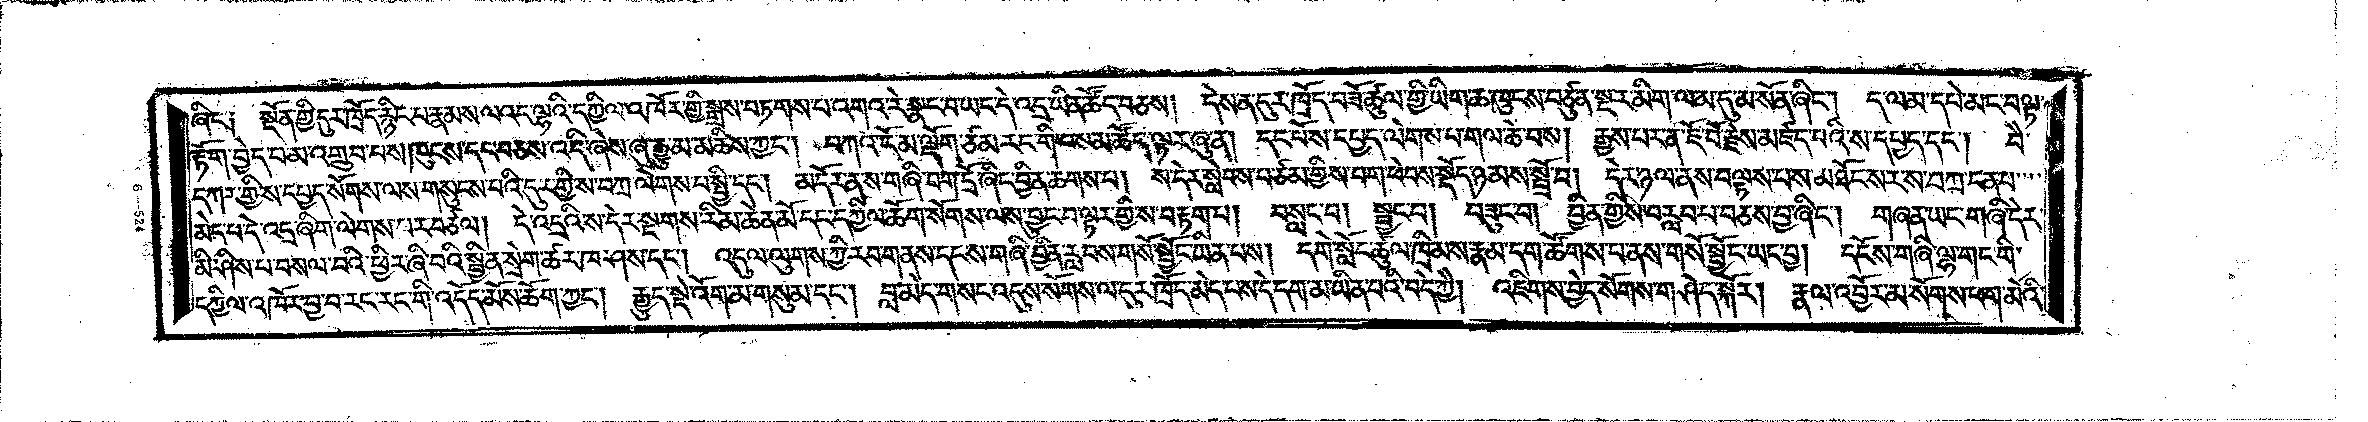ཞིང༑ སྔོན་གྱི་དུར་ཁྲོད་རྙིང་པ་རྣམས་ལའང་ལྷའི་དཀྱིལ་འཁོར་གྱི་སྒྲས་བཏགས་པ་འགའ་རེ་སྣང་བ་ཡང་དེ་འདྲ་ཡིན་ཚོད་བཅས། དེས་ན་དུར་ཁྲོད་བཟོ་ཚུལ་གྱི་ཡིག་ཆ་ཁུངས་བཙུན་སྔར་མིག་ལམ་དུ་མ་སོན་ཞིང་། ད་ལམ་དཔེ་མང་བལྟ་
རྟོག་བྱེད་པ་མ་འགྲུབ་པས་ཁུངས་དང་བཅས་འདི་ཞེས་ཞུ་རྒྱུ་མ་མཆིས་ཀྱང་། བཀའ་དོ་མ་ལྡོག་ཙམ་རང་གི་བསམ་ཚོད་ལྟར་ཞུ་ན། དང་པོས་དཔྱད་ལེགས་པ་གལ་ཆེ་བས། རྒྱས་པར་ན་ཇོ་བོ་རྗེས་མཛད་པའི་ས་དཔྱད་དང་། བཻ་
དཀར་གྱིས་དཔྱད་སོགས་ལས་གསུངས་པའི་དུར་གྱིས་བཀྲ་ལེགས་པ་སྤྱི་དང་། མདོར་ནས་གཞི་བག་དྲོ་ཞིང་བྱིན་ཆགས་པ། ས་དེར་སླེབས་པ་ཙམ་གྱིས་བག་ཕེབས་སྡོད་ཉམས་སྤྲོ་བ། དེར་ཉལ་ནས་བལྟས་པས་མཐོང་སར་བཀྲ་ངན་པ་
མེད་པ་དེ་འདྲ་ཞིག་ལེགས་པར་བཙལ། དེ་འདྲའི་ས་དེར་སྔགས་རིམ་ཆེན་མོ་དང་དཀྱིལ་ཆོག་སོགས་ལས་བྱུང་བ་ལྟར་གྱིས་བརྟག་པ། བསླང་བ། སྦྱང་བ། བཟུང་བ། བྱིན་གྱིས་བརླབ་པ་བཅས་བྱ་ཞིང་། གཞན་ཡང་གཞི་དེར་
མི་ཤིས་པ་བསལ་བའི་ཕྱིར་ཞི་བའི་སྦྱིན་སྲེག་ཚར་ཁ་ཤས་དང་། འདུལ་ལུགས་ཀྱི་རབ་གནས་དང་ས་གཞི་བྱིན་རླབས་གསོ་སྦྱོང་ཡིན་པས། དགེ་སློང་ཚུལ་ཁྲིམས་རྣམ་དག་ཚོགས་པ་ནས་གསོ་སྦྱོང་ཡང་བྱ། དངོས་གཞི་ལྷ་གང་གི་
དཀྱིལ་འཁོར་བྱ་བ་རང་རང་གི་འདོད་མོས་ཆོག་ཀྱང་། རྒྱུད་སྡེ་འོག་མ་གསུམ་དང་། བླ་མེད་གསང་འདུས་སོགས་ལ་དུར་ཁྲོད་མེད་པས་དེ་དག་མ་ཡིན་པའི་བདེ་ཀྱཻ། འཇིགས་བྱེད་སོགས་གཤེད་སྐོར། རྣལ་འབྱོར་མ་སོགས་ཕག་མོའི་